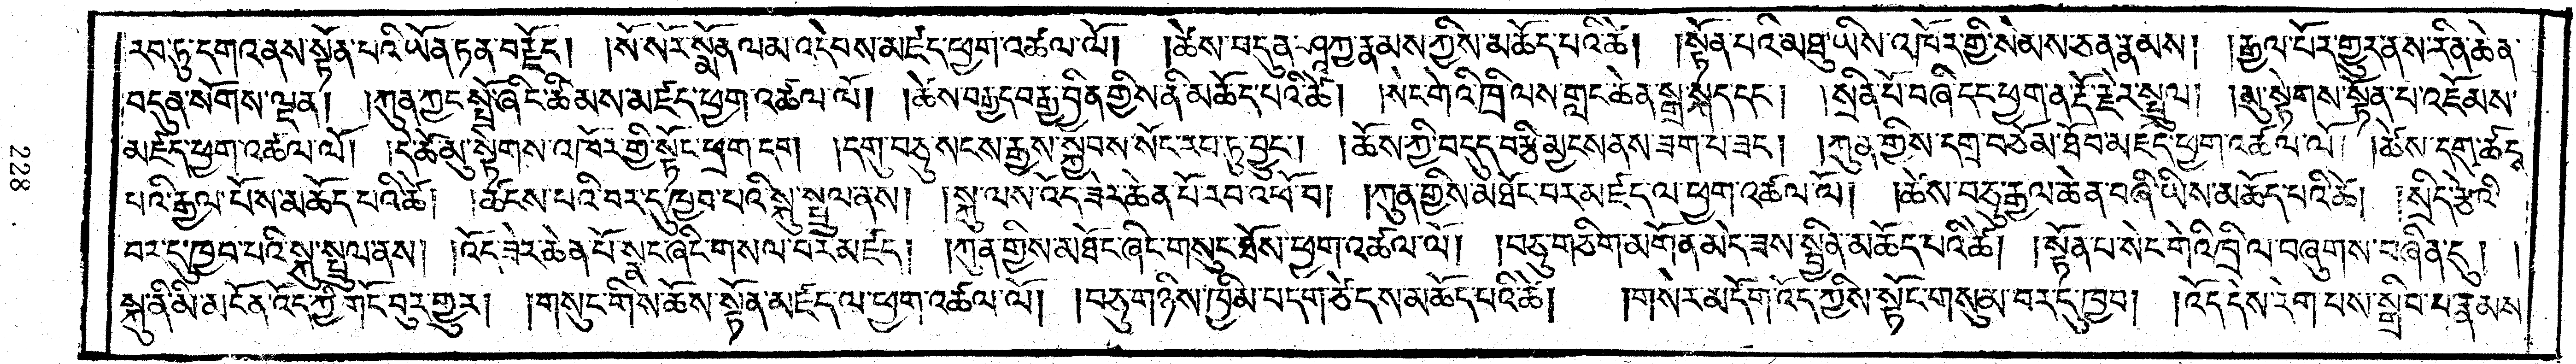རབ་ཏུ་དགའ་ནས་སྟོན་པའི་ཡོན་ཏན་བརྗོད། །སོ་སོར་སྨོན་ལམ་འདེབས་མཛད་ཕྱག་འཚལ་ལོ། །ཚེས་བདུན་ཤཱཀྱ་རྣམས་ཀྱིས་མཆོད་པའི་ཚེ། །སྟོན་པའི་མཐུ་ཡིས་འཁོར་གྱི་སེམས་ཅན་རྣམས། །རྒྱལ་པོར་གྱུར་ནས་རིན་ཆེན་
བདུན་སོགས་ལྡན། །ཀུན་ཀྱང་སྤྲོ་ཞིང་ཚིམས་མཛད་ཕྱག་འཚལ་ལོ། །ཚེས་བརྒྱད་བརྒྱ་བྱིན་གྱིས་ནི་མཆོད་པའི་ཚེ། །སེང་གེའི་ཁྲི་ལས་གླང་ཆེན་སྒྲ་སྐད་དང་། །སྲིན་པོ་བཞི་དང་ཕྱག་ན་རྡོ་རྗེར་སྤྲུལ། །མུ་སྟེགས་སྟོན་པ་འཇོམས་
མཛད་ཕྱག་འཚལ་ལོ། །དེ་ཚེ་མུ་སྟེགས་འཁོར་གྱི་སྟོང་ཕྲག་དག །དགུ་བཅུ་སངས་རྒྱས་སྐྱབས་སོང་རབ་ཏུ་བྱུང་། །ཆོས་ཀྱི་བདུད་བརྩི་མྱངས་ནས་ཟག་པ་ཟང་། །ཀུན་གྱིས་དགྲ་བཅོམ་ཐོབ་མཛད་ཕྱག་འཚལ་ལོ། །ཚེས་དགུ་ཚངས་
པའི་རྒྱལ་པོས་མཆོད་པའི་ཚེ། །ཚངས་པའི་བར་དུ་ཁྱབ་པའི་སྐུ་སྤྲུལ་ནས། །སྐུ་ལས་འོད་ཟེར་ཆེན་པོ་རབ་འཕོ་བ། །ཀུན་གྱིས་མཐོང་བར་མཛད་ལ་ཕྱག་འཚལ་ལོ། །ཚེས་བཅུ་རྒྱལ་ཆེན་བཞི་ཡིས་མཆོད་པའི་ཚེ། །སྲིད་རྩེའི་
བར་དུ་ཁྱབ་པའི་སྐུ་སྤྲུལ་ནས། །འོད་ཟེར་ཆེན་པོ་སྣང་ཞིང་གསལ་བར་མཛད། །ཀུན་གྱིས་མཐོང་ཞིང་གསུང་ཐོས་ཕྱག་འཚལ་ལོ། །བཅུ་གཅིག་མགོན་མེད་ཟས་སྦྱིན་མཆོད་པའི་ཚེ། །སྟོན་པ་སེང་གེའི་ཁྲིལ་བཞུགས་བཞིན་དུ། །
སྐུ་ནི་མི་མངོན་འོད་ཀྱི་གོང་བུར་གྱུར། །གསུང་གིས་ཆོས་སྟོན་མཛད་ལ་ཕྱག་འཚལ་ལོ། །བཅུ་གཉིས་ཁྱིམ་བདག་ཙེ་ངས་མཆོད་པའི་ཚེ། །གསེར་མདོག་འོད་ཀྱིས་སྟོང་གསུམ་བར་དུ་ཁྱབ། །འོད་དེས་རེག་པས་སྒྲིབ་པ་རྣམས་